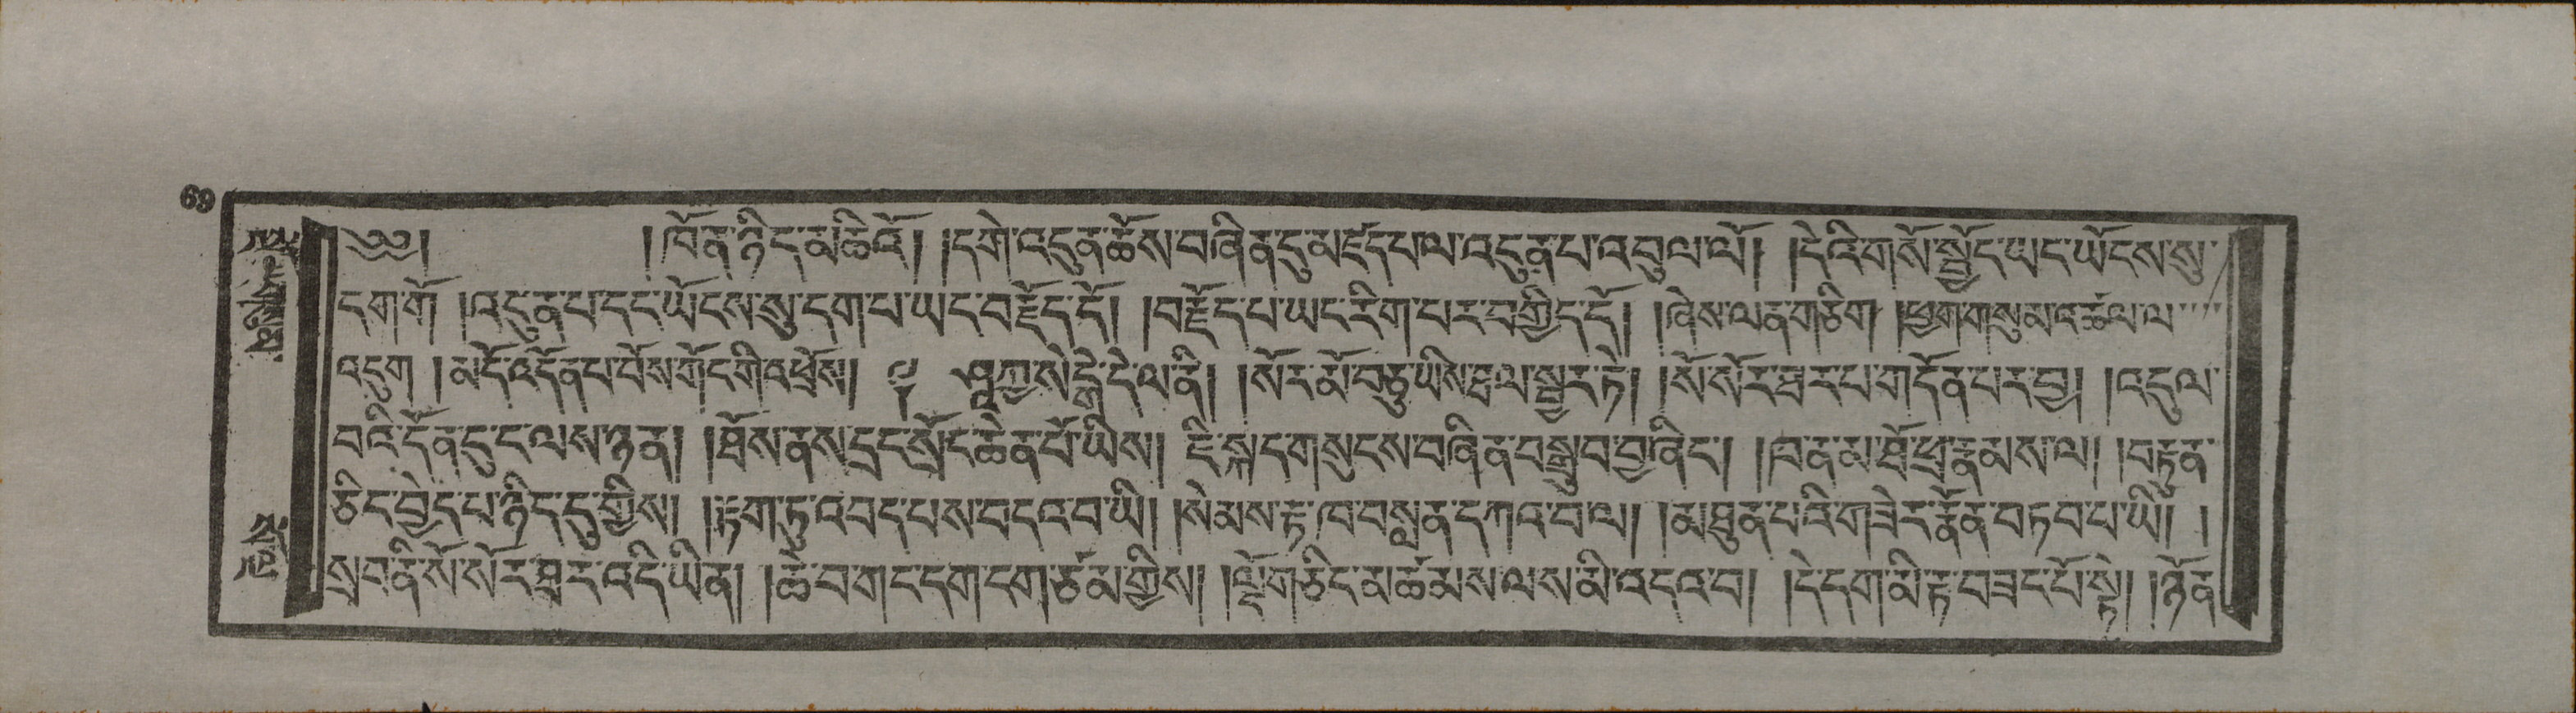༄༅། །ཁོ་ན་ཉིད་མཆིའོ། །དགེ་འདུན་ཆོས་བཞིན་དུ་མཛད་པ་ལ་འདུན་པ་འབུལ་ལོ། །དེའི་གསོ་སྦྱོང་ཡང་ཡོངས་སུ་
དག་གོ །འདུན་པ་དང་ཡོངས་སུ་དག་པ་ཡང་བརྗོད་དོ། །བརྗོད་པ་ཡང་རིག་པར་བགྱིད་དོ། །ཞེས་ལན་གཅིག །ཕྱག་གསུམ་འཚལ་ལོ་
འདུག །མདོ་འདོན་པ་པོས་གོང་གི་འཕྲོས། ༈ ཤཱཀྱ་སེངྒེ་དེ་ལ་ནི། །སོར་མོ་བཅུ་ཡིས་ཐལ་སྦྱར་ཏེ། །སོ་སོར་ཐར་པ་གདོན་པར་བྱ། །འདུལ་
བའི་དོན་དུ་ང་ལས་ཉན། །ཐོས་ནས་དྲང་སྲོང་ཆེན་པོ་ཡིས། ཇི་སྐད་གསུངས་བཞིན་བསྒྲུབ་བྱ་ཞིང་། །ཁ་ན་མ་ཐོ་ཕྲ་རྣམས་ལ། །བརྟུན་
ཅིང་བྱེད་པ་ཉིད་དུ་གྱིས། །རྟག་ཏུ་འབད་པས་བདའ་བ་ཡི། །སེམས་རྟ་ཁ་བསླན་དཀའ་བ་ལ། །མཐུན་པའི་གཟེར་རྣོན་བཏབ་པ་ཡི། །
སྲབ་ནི་སོ་སོར་ཐར་འདི་ཡིན། །ཆེ་བ་གང་དག་ངག་ཙམ་གྱིས། །ལྡོག་ཅིང་མཚམས་ལས་མི་འདའ་བ། །དེ་དག་མི་རྟ་བཟང་པོ་སྟེ། །ཉོན་